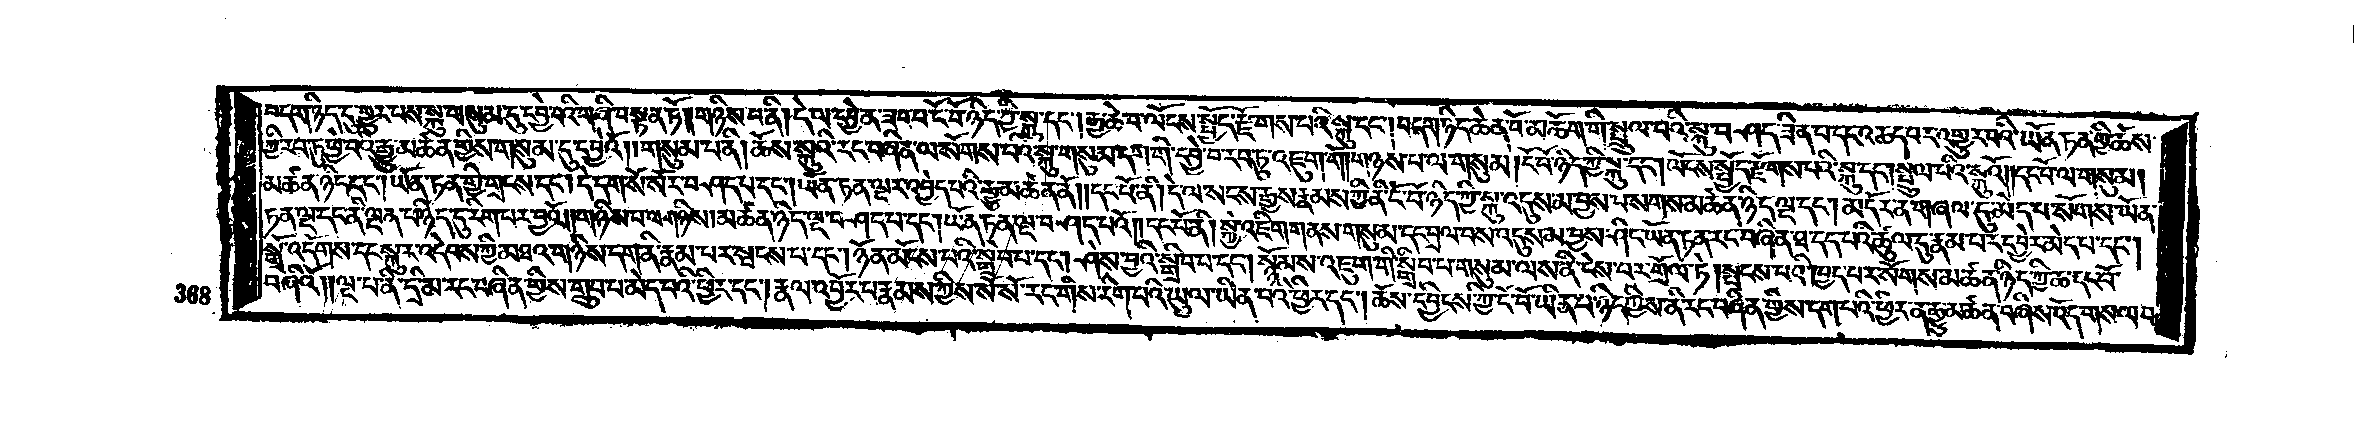བདག་ཉིད་དུ་གྱུར་པས་སྐུ་གསུམ་དུ་དབྱེ་བའི་གཞི་བསྟན་ཏོ། །གཉིས་པ་ནི། དེ་ལ་དབྱེ་ན་ཟབ་པ་ངོ་བོ་ཉིད་ཀྱི་སྐུ་དང་། རྒྱ་ཆེ་བ་ལོངས་སྤྱོད་རྫོགས་པའི་སྐུ་དང་། བདག་ཉིད་ཆེན་པོ་མཆོག་གི་སྤྲུལ་པའི་སྐུ་བཤད་ཟིན་པ་དང་འཆད་པར་འགྱུར་པའི་ཡོན་ཏན་གྱི་ཆོས་
ཀྱི་རབ་ཏུ་ཕྱེ་བའི་རྒྱུ་མཚན་གྱིས་གསུམ་དུ་དབྱེའོ། །གསུམ་པ་ནི། ཆོས་སྐུའི་རང་བཞིན་ལ་སོགས་པའི་སྐུ་གསུམ་དག་གི་དབྱེ་བ་རབ་ཏུ་འཇུག་གོ །གཉིས་པ་ལ་གསུམ། ངོ་བོ་ཉིད་ཀྱི་སྐུ་དང་། ལོངས་སྤྱོད་རྫོགས་པའི་སྐུ་དང་། སྤྲུལ་པའི་སྐུའོ། །དང་པོ་ལ་གསུམ།
མཚན་ཉིད་དང་། ཡོན་ཏན་གྱི་གྲངས་དང་། དེ་དག་སོ་སོར་བཤད་པ་དང་། ཡོན་ཏན་ལྔར་འབྱེད་པའི་རྒྱུ་མཚན་ནོ། །དང་པོ་ནི། དེ་ལ་སངས་རྒྱས་རྣམས་ཀྱི་ནི་ངོ་བོ་ཉིད་ཀྱི་སྐུ་འདུས་མ་བྱས་པ་སོགས་མཚན་ཉིད་ལྔ་དང་། མདོར་ན་གཞལ་དུ་མེད་པ་སོགས་ཡོན་
ཏན་ལྔ་དང་ནི་ལྡན་པ་ཉིད་དུ་རིག་པར་བྱའོ། །གཉིས་པ་ལ་གཉིས། མཚན་ཉིད་ལྔ་བཤད་པ་དང་། ཡོན་ཏན་ལྔ་བཤད་པའོ། །དང་པོ་ནི། སྐྱེ་འཇིག་གནས་གསུམ་དང་བྲལ་བས་འདུས་མ་བྱས་ཤིང་ཡོན་ཏན་རང་བཞིན་ཐ་དད་པའི་ཚུལ་དུ་རྣམ་པར་དབྱེར་མེད་པ་དང་།
སྒྲོ་འདོགས་དང་སྐུར་འདེབས་ཀྱི་མཐའ་གཉིས་དག་ནི་རྣམ་པར་སྤངས་པ་དང་། ཉོན་མོངས་པའི་སྒྲིབ་པ་དང་། ཤེས་བྱའི་སྒྲིབ་པ་དང་། སྙོམས་འཇུག་གི་སྒྲིབ་པ་གསུམ་ལས་ནི་ངེས་པར་གྲོལ་ཏེ། སྤངས་པའི་ཁྱད་པར་སོགས་མཚན་ཉིད་ཀྱི་ཆ་དང་པོ་
བཞིའོ། །ལྔ་པ་ནི་དྲི་མ་རང་བཞིན་གྱིས་གྲུབ་པ་མེད་པའི་ཕྱིར་དང་། རྣལ་འབྱོར་པ་རྣམས་ཀྱིས་སོ་སོ་རང་གིས་རིག་པའི་ཡུལ་ཡིན་པའི་ཕྱིར་དང་། ཆོས་དབྱིངས་ཀྱི་ངོ་བོ་ཡིན་པ་ཉིད་ཀྱིས་ནི་རང་བཞིན་གྱིས་དག་པའི་ཕྱིར་ན་རྒྱུ་མཚན་བཞིས་འོད་གསལ་བ་